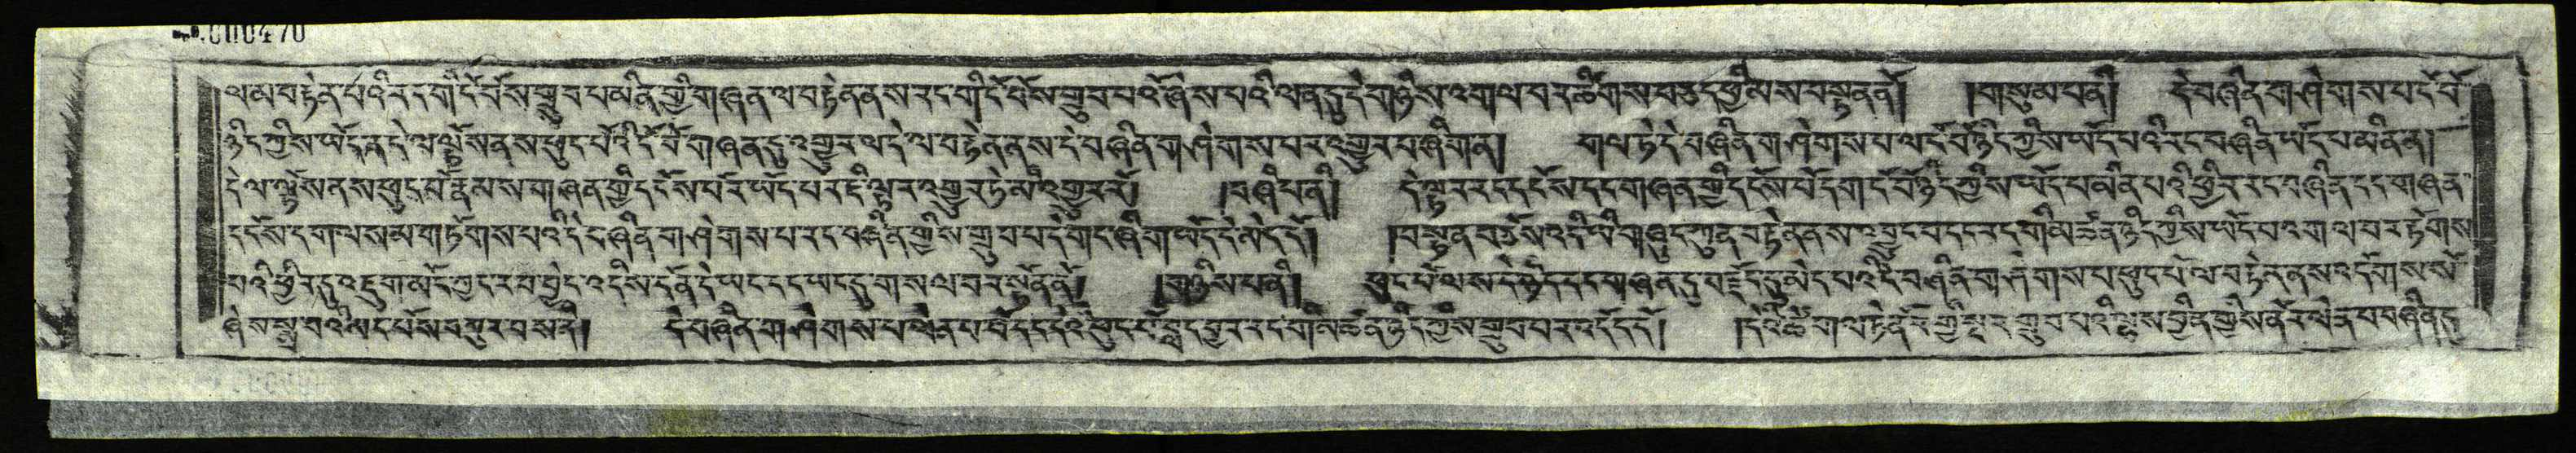ལ་མ་བརྟེན་པའི་རང་གི་ངོ་བོས་གྲུབ་པ་མིན་གྱི་གཞན་ལ་བརྟེན་ནས་རང་གི་ངོ་བོས་གྲུབ་པའོ་ཞེས་པའི་ལན་དུ་དེ་གཉིས་འགལ་བར་ཚིགས་བཅད་ཕྱི་མས་བསྟན་ནོ། །གསུམ་པ་ནི། དེ་བཞིན་གཤེགས་པ་ངོ་བོ་
ཉིད་ཀྱིས་ཡོད་ན་དེ་ལ་ལྟོས་ནས་ཕུང་པོའི་ངོ་བོ་གཞན་དུ་འགྱུར་ལ་དེ་ལ་བརྟེན་ནས་དེ་བཞིན་གཤེགས་པར་འགྱུར་བ་ཞིག་ན། གལ་ཏེ་དེ་བཞིན་གཤེགས་པ་ལ་ངོ་བོ་ཉིད་ཀྱིས་ཡོད་པའི་རང་བཞིན་ཡོད་པ་མིན་ན།
དེ་ལ་ལྟོས་ནས་ཕུང་པོ་རྣམས་གཞན་གྱི་དངོས་པོར་ཡོད་པར་ཇི་ལྟར་འགྱུར་ཏེ་མི་འགྱུར་རོ། །བཞི་པ་ནི། དེ་ལྟར་རང་དངོས་དང་གཞན་གྱི་དངོས་པོ་དག་ངོ་བོ་ཉིད་ཀྱིས་ཡོད་པ་མིན་པའི་ཕྱིར་རང་བཞིན་དང་གཞན་
དངོས་དག་ལས་མ་གཏོགས་པའི་དེ་བཞིན་གཤེགས་པ་རང་བཞིན་གྱིས་གྲུབ་པ་དེ་གང་ཞིག་ཡོད་དེ་མེད་དོ། །བསྟན་བཅོས་འདི་ཡི་གཞུང་ཀུན་བརྟེན་ནས་འབྱུང་བ་དང་རང་གི་མཚན་ཉིད་ཀྱིས་ཡོད་པ་འགལ་བར་རྟོགས་
པའི་ཕྱིར་དུ་འཇུག་མོད་ཀྱང་རབ་བྱེད་འདིས་དོན་དེ་ཡང་དང་ཡང་དུ་གསལ་བར་སྟོན་ནོ། །གཉིས་པ་ནི། ཕུང་པོ་ལས་དེ་ཉིད་དང་གཞན་དུ་བརྗོད་དུ་མེད་པའི་དེ་བཞིན་གཤེགས་པ་ཕུང་པོ་ལ་བརྟེན་ནས་འདོགས་སོ་
ཞེས་སྨྲ་བའི་མང་པོས་བཀུར་བས་ནི། དེ་བཞིན་གཤེགས་པ་ལེན་པ་པོ་དང་དེའི་ཕུང་པོ་བླང་བྱར་རང་གི་མཚན་ཉིད་ཀྱིས་གྲུབ་པར་འདོད་དོ། །དེའི་ཚེ་གལ་ཏེ་ནོར་གྱི་སྔར་གྲུབ་པའི་ལྷས་བྱིན་གྱིས་ནོར་ལེན་པ་བཞིན་དུ་